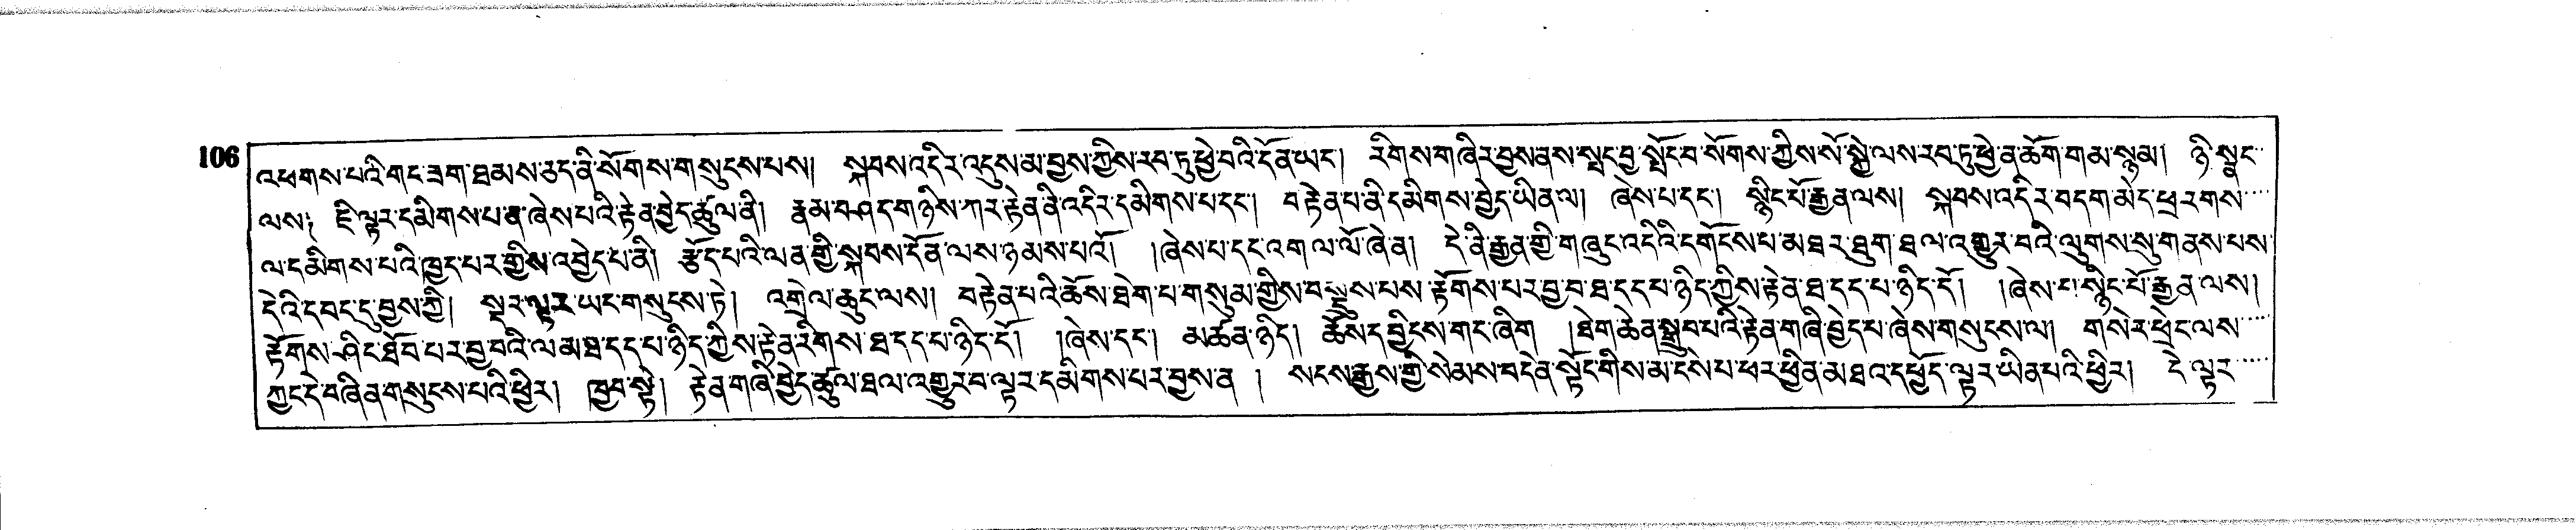འཕགས་པའི་གང་ཟག་ཐམས་ཅད་ནི་སོགས་གསུངས་པས། སྐབས་འདིར་འདུས་མ་བྱས་ཀྱིས་རབ་ཏུ་ཕྱེ་བའི་དོན་ཡང་། རིགས་གཞིར་བྱས་ནས་སྤང་བྱ་སྤོང་བ་སོགས་ཀྱིས་སོ་སྐྱེ་ལས་རབ་ཏུ་ཕྱེ་ན་ཆོག་གམ་སྙམ། ཉི་སྣང་
ལས། ཇི་ལྟར་དམིགས་པ་ན་ཞེས་པའི་རྟེན་བྱེད་ཚུལ་ནི། རྣམ་བཤད་གཉིས་ཀར་རྟེན་ནི་འདིར་དམིགས་པ་དང་། བརྟེན་པ་ནི་དམིགས་བྱེད་ཡིན་ལ། ཞེས་པ་དང་། སྙིང་པོ་རྒྱན་ལས། སྐབས་འདིར་བདག་མེད་ཕྲ་རགས་
ལ་དམིགས་པའི་ཁྱད་པར་གྱིས་འབྱེད་པ་ནི། རྩོད་པའི་ལན་གྱི་སྐབས་དོན་ལས་ཉམས་པའོ། །ཞེས་པ་དང་འགལ་ལོ་ཞེ་ན། དེ་ནི་རྒྱན་གྱི་གཞུང་འདིའི་དགོངས་པ་མཐར་ཐུག་ཐལ་འགྱུར་བའི་ལུགས་སུ་གནས་པས་
དེའི་དབང་དུ་བྱས་ཀྱི། སྔར་ལྟར་ཡང་གསུངས་ཏེ། འགྲེལ་ཆུང་ལས། བརྟེན་པའི་ཆོས་ཐེག་པ་གསུམ་གྱིས་བསྡུས་པས་རྟོགས་པར་བྱ་བ་ཐ་དད་པ་ཉིད་ཀྱིས་རྟེན་ཐ་དད་པ་ཉིད་དོ། །ཞེས་པ་སྙིང་པོ་རྒྱན་ལས།
རྟོགས་ཤིང་ཐོབ་པར་བྱ་བའི་ལམ་ཐ་དད་པ་ཉིད་ཀྱིས་རྟེན་རིགས་ཐ་དད་པ་ཉིད་དོ། །ཞེས་དང་། མཚན་ཉིད། ཆོས་དབྱིངས་གང་ཞིག །ཐེག་ཆེན་སྒྲུབ་པའི་རྟེན་གཞི་བྱེད་པ་ཞེས་གསུངས་ལ། གསེར་ཕྲེང་ལས་
ཀྱང་དེ་བཞིན་གསུངས་པའི་ཕྱིར། ཁྱབ་སྟེ། རྟེན་གཞི་བྱེད་ཚུལ་ཐལ་འགྱུར་བ་ལྟར་དམིགས་པར་བྱས་ན། སངས་རྒྱས་ཀྱི་སེམས་བདེན་སྟོང་གིས་མ་ངེས་པ་ཕར་ཕྱིན་མཐའ་དཔྱོད་ལྟར་ཡིན་པའི་ཕྱིར། དེ་ལྟར་